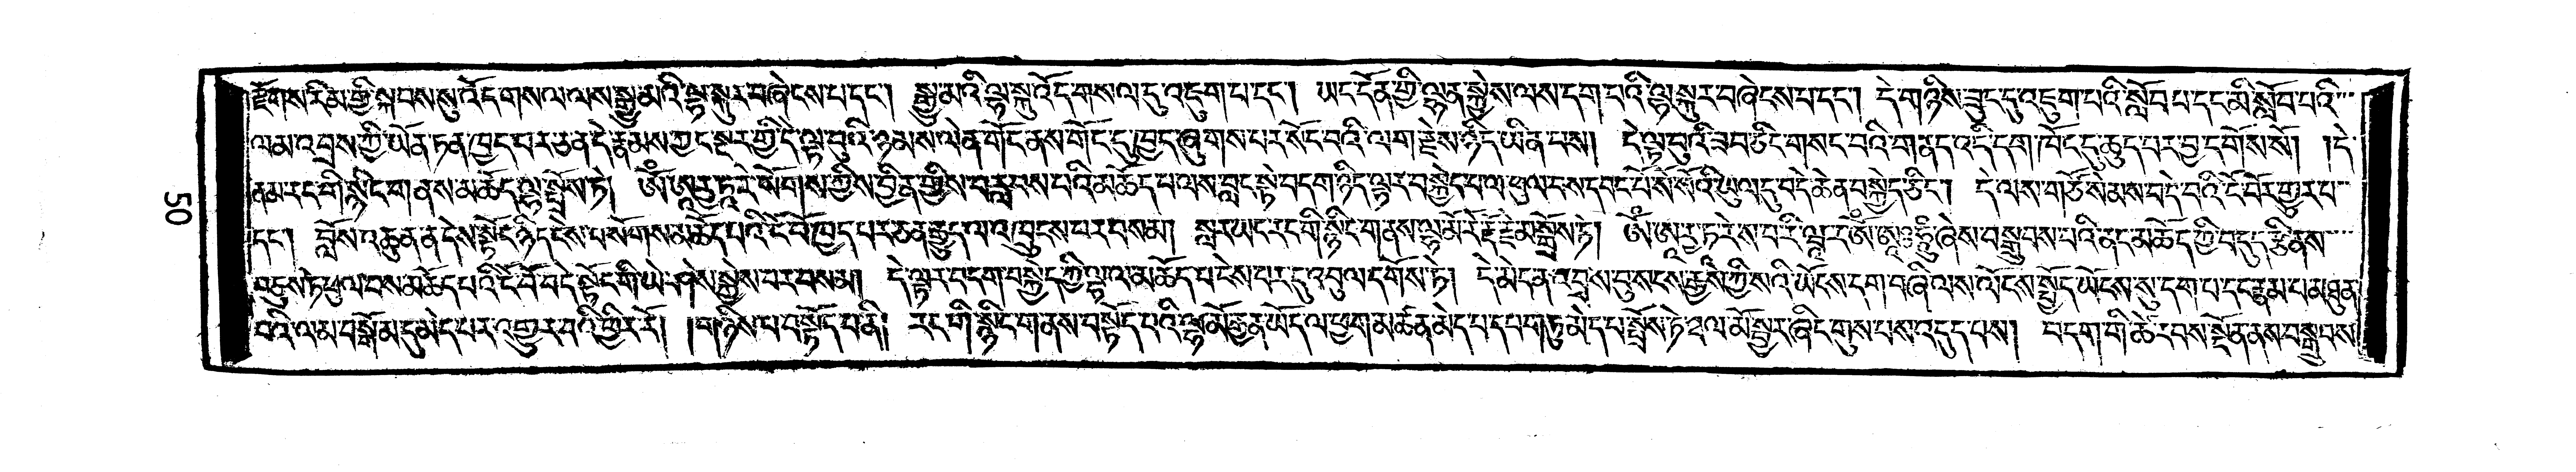རྫོགས་རིམ་གྱི་སྐབས་སུ་འོད་གསལ་ལས་སྒྱུ་མའི་ལྷ་སྐུར་བཞོངས་པ་དང་། སྒྱུ་མའི་ལྷ་སྐུ་འོད་གསལ་དུ་འཇུག་པ་དང་། ཡང་དོན་གྱི་ལྷན་སྐྱེས་ལས་དག་པའི་ལྷ་སྐུར་བཞེངས་པ་དང་། དེ་གཉིས་ཟུང་དུ་འཇུག་པའི་སློབ་པ་དང་མི་སློབ་པའི་
ལམ་འབྲས་ཀྱི་ཡོན་ཏན་ཁྱད་པར་ཅན་དེ་རྣམས་ཀྱང་སྔར་གྱི་དེ་ལྟ་བུའི་ཉམས་ལེན་གོང་ནས་གོང་དུ་ཁྱད་ཞུགས་པར་སོང་བའི་ལག་རྗེས་ཉིད་ཡིན་པས། དེ་ལྟ་བུའི་ཟབ་ཅིང་གསང་བའི་གནད་འདི་དག་ཁོང་དུ་ཆུད་པར་བྱ་དགོས་སོ། །དེ་
ནས་རང་གི་སྙིང་ག་ནས་མཆོད་ལྷ་སྤྲོས་ཏེ། ཨོཾ་ཨཱརྱ་ཏཱ་རེ་སོགས་ཀྱིས་བྱིན་གྱིས་བརླབས་པའི་མཆོད་པ་ལས་བླང་སྟེ་བདག་ཉིད་ལྷར་བསྐྱེད་པ་ལ་ཕུལ་བས་དབང་པོ་སོ་སོའི་ཡུལ་དུ་བདེ་ཆེན་བསྐྱེད་ཅིང་། དེ་ལས་གཙོ་སེམས་བདེ་བའི་ངོ་བོར་གྱུང་བ་
དང་། བློས་འཆུན་ན་དེས་སྟོང་ཉིད་ངེས་པ་སོགས་མཆོད་པའི་ངོ་བོ་ཁྱད་པར་ཅན་རྒྱུད་ལ་འཁྲུངས་པར་བསམ། སླར་ཡང་རང་གི་སྙིང་གནས་ལྷ་མོ་རོ་རྡོ་རྗེ་མ་སྤྲོས་ཏེ། ཨོཾ་ཨཱརྱ་ཏཱ་རེ་ས་པ་རི་ཝཱ་ར་ཨོཾ་ཨཱཿཧཱུཾ་ཞེས་བསྒྲུབས་པའི་ནང་མཆོད་ཀྱི་བདུད་རྩི་ནས་
བཅུས་ཏེ་ཕུལ་བས་མཆོད་པའི་ངོ་བོ་བདེ་སྟོང་གི་ཡེ་ཤེས་སྐྱེས་པར་བསམ། དེ་ལྟར་བདག་བསྐྱེད་ཀྱི་ལྷ་ལ་མཆོད་པ་ངེས་པར་དུ་འབུལ་དགོས་ཏེ། དེ་མེད་ན་འབྲས་བུ་སངས་རྒྱས་ཀྱི་སའི་ཡོངས་དག་བཞི་ལས་ལོངས་སྤྱོད་ཡོངས་སུ་དག་པ་དང་རྣམ་པ་མཐུན་
པའི་ལམ་བསྡོམ་དུ་མེད་པར་འགྱུར་བའི་ཕྱིར་རོ། །གཉིས་པ་བསྟོད་པ་ནི། རང་གི་སྙིང་ག་ནས་བསྟོད་པའི་ལྷ་མོ་རྒྱན་ཡོད་ལ་ཕྱག་མཚན་མེད་པ་དཔག་ཏུ་མེད་པ་སྤྲོས་ཏེ་ཐལ་མོ་སྦྱར་ཞིང་གུས་པས་འདུད་པས། བདག་གིས་ཚེ་རབས་སྔོན་ནས་བསྒྲུབས་